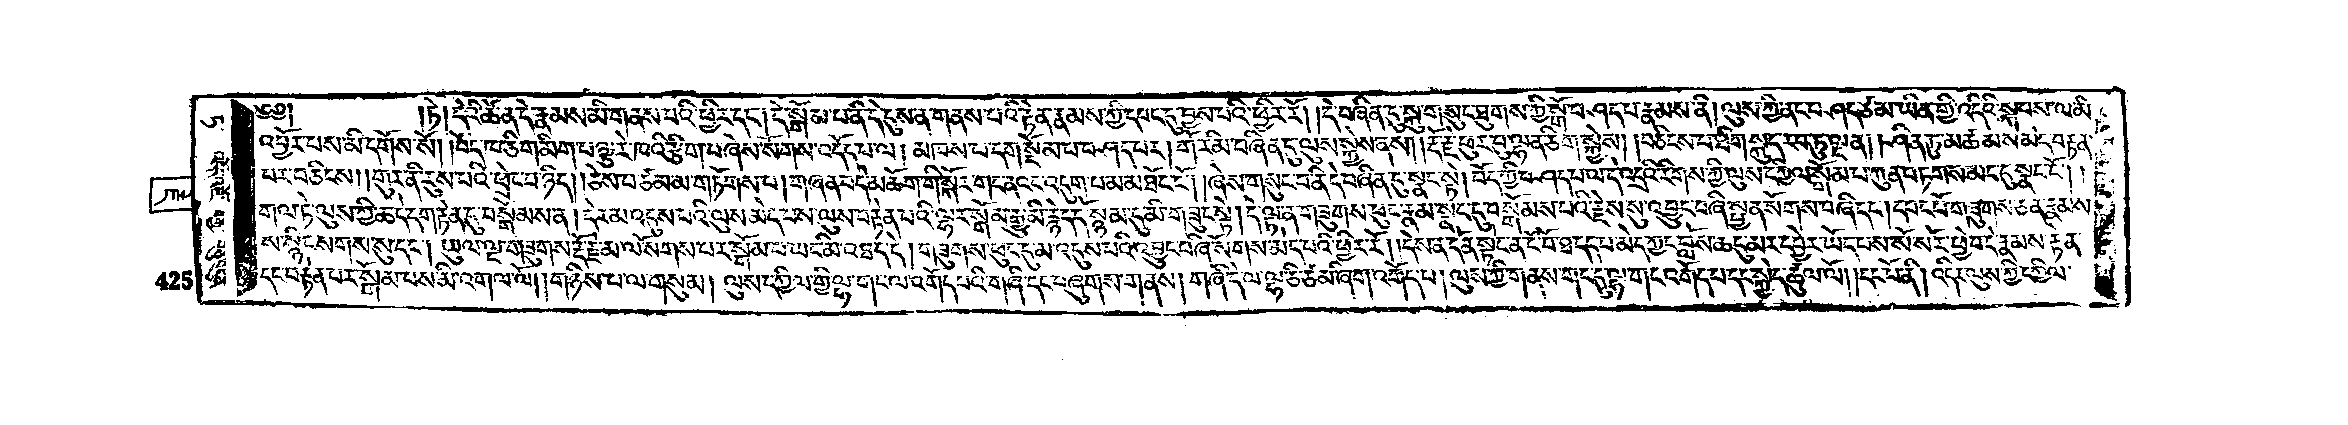༄༅། །ཏེ། དེའི་ཚེ་ན་དེ་རྣམས་མི་གནས་པའི་ཕྱིར་དང་། དེ་སྒོམ་པ་ནི་དེ་དུས་ན་གནས་པའི་རྟེན་རྣམས་ཀྱི་དབང་དུ་བྱས་པའི་ཕྱིར་རོ། །དེ་བཞིན་དུ་སྐུ་གསུང་ཐུགས་ཀྱི་སྒོ་བཤད་པ་རྣམས་ནི། ལུས་ཀྱི་ནང་བཤད་ཙམ་ཡིན་གྱི་འདིའི་སྐབས་ལ་མི་
འབྱོར་པས་མི་དགོས་སོ། །བོད་ཁ་ཅིག་མིག་པཉྩ་རེ་ཁའི་རྩིག་པ་ཞེས་སོགས་འདོད་པ་ལ། མཁས་པ་དག་སྡོམ་པ་བཤད་པར། གོ་རིམ་བཞིན་དུ་ལུས་སྐྱེས་ནས། །རྡོ་རྗེ་ཕུར་བུ་ལྷན་ཅིག་སྐྱེས། །བཅིངས་པ་ཐིག་སྐུད་རབ་ཏུ་ལྡན། །ཤིན་ཏུ་མཚམས་མེད་བརྟན་
པར་བཅིངས། །གུར་ནི་རུས་པའི་ཕྲེང་བ་ཉིད། །ཅེས་པ་ཙམ་མ་གཏོགས་པ། གཞན་བདེ་མཆོག་གི་སྐོར་གང་ནའང་འདུག་པ་མ་མཐོང་ངོ། །ཞེས་གསུང་བ་ནི་དེ་བཞིན་དུ་སྣང་སྟེ། བོད་ཀྱི་བཤད་པ་ལ་དེ་འདྲའི་རིགས་ཀྱི་ལུས་དཀྱིལ་སྒོམ་པ་ཀུན་བཏགས་མང་དུ་སྣང་ངོ། །
གལ་ཏེ་ལུས་ཀྱི་ཆ་དེ་དག་རྟེན་དུ་བསྒོམས་ན། དེར་མ་འདུས་པའི་ལུས་མེད་པས་ལུས་བརྟེན་པའི་ལྷར་སྒོམ་རྒྱུ་མི་རྙེད་དོ་སྙམ་དུ་མི་གཟུང་སྟེ། དེ་ལྟ་ན་གཟུགས་ཕུང་རྣམ་སྣང་དུ་བསྒོམས་པའི་རྗེས་སུ་འབྱུང་བཞི་སྤྱན་སོགས་བཞི་དང་། དབང་པོ་གཟུགས་ཅན་རྣམས་
ས་སྙིང་སོགས་སུ་དང་། ཡུལ་ལྔ་གཟུགས་རྡོ་རྗེ་མ་ལ་སོགས་པར་སྒོམ་པ་ཡང་མི་འཐད་དེ། གཟུགས་ཕུང་དུ་མ་འདུས་པའི་འབྱུང་བཞི་སོགས་མེད་པའི་ཕྱིར་རོ། །དེས་ན་དོན་སྟེང་ན་ངོ་བོ་ཐ་དད་པ་མེད་ཀྱང་བློས་ཆ་དུ་མར་དབྱེར་ཡོད་པས་སོ་སོར་ཕྱེ་བ་དེ་རྣམས་རྟེན་
དང་བརྟེན་པར་སྒོམ་པས་མི་འགལ་ལོ། །གཉིས་པ་ལ་གསུམ། ལུས་དཀྱིལ་གྱི་ལྷ་གང་ལ་འགོད་པའི་གཞི་དང་བཞུགས་གནས། གཞི་དེ་ལ་ལྷ་ཅི་ཙམ་ཞིག་འགོད་པ། ལུས་ཀྱི་གནས་གང་དུ་ལྷ་གང་འགོད་པ་དང་སྐྱེད་ཚུལ་ལོ། །དང་པོ་ནི། འདིར་ལུས་ཀྱི་དཀྱིལ་